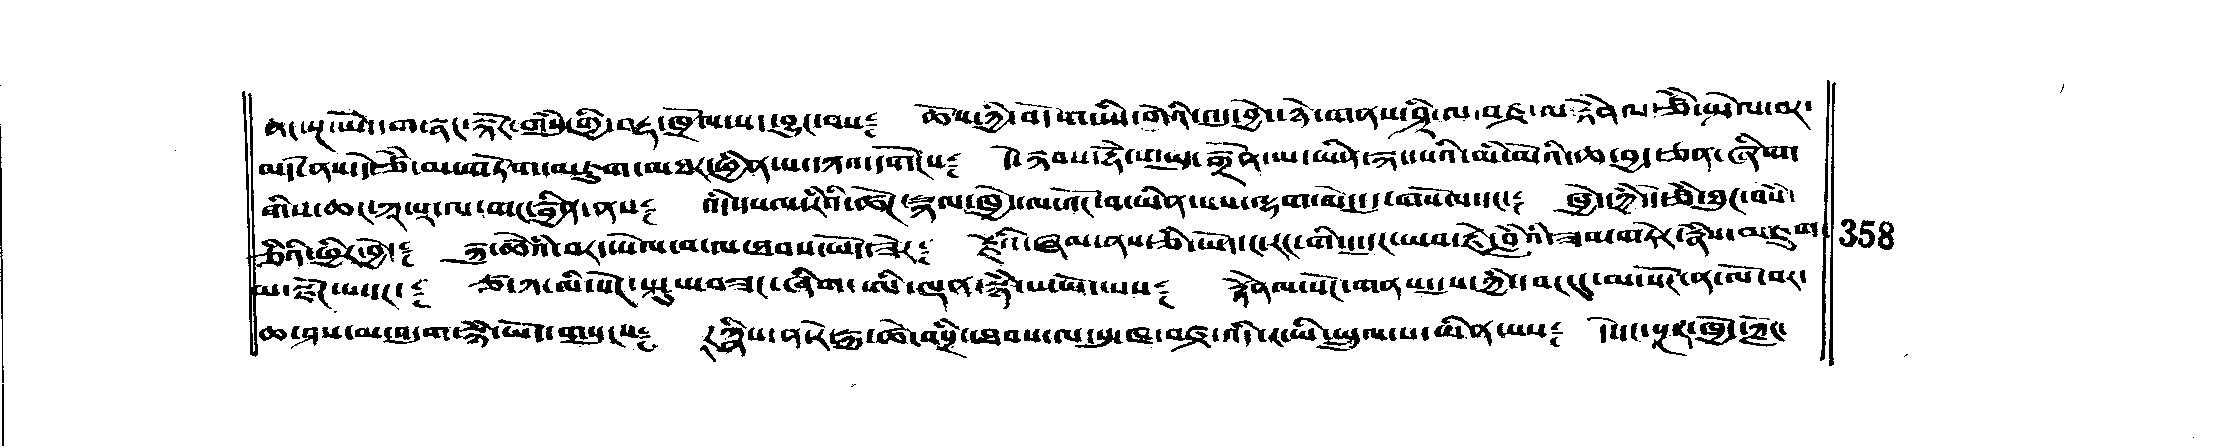ནང་སྔ་མོ་དག་སྣང་སྐོར་གསུམ་གྱི་བརྡ་ཁྲོལ་སད་བྱུང་བས། ཆོས་ཀྱི་བདག་པོ་ཡི་གེའི་འདུ་བྱེད་ཉེ་གནས་ཤཱི་ལ་བཛྲ་ལ་རྟེན་འབྲེལ་ཙམ་སྤེལ་བར་
མཛད་ནས་དེ་ཙམ་མ་གཏོགས་མཇུག་མཐར་ཕྱིན་པ་དཀའ་དགོངས། དེ་སྐབས་རྡོ་རྗེ་གཡུ་སྒྲོན་མ་ཡིན་སྐད་པའི་མི་མོའི་ཆ་བྱད་ཅན་ཞིག་
གིས་ཆང་ཀཱ་པཱ་ལ་གང་སྦྱིན་ནས། འདི་དཔལ་རིའི་ཚོགས་སྐལ་ཁྱེད་ལ་འོང་བ་ཡིན་པས་ལྷག་མེད་དུ་གསོལ་དང་། ཁྱེད་ཀྱི་དེ་ཙམ་ཐུགས་བསམ་
ཅིའི་ཕྱིར་བྱེད། སྐུ་ཚེའི་བར་ཆད་སེལ་བ་ལ་ཐབས་ཡོད་ཟེར། རྗེའི་ཞལ་ནས་ཅི་ཡོད་ང་རང་གི་ད་དུང་ཡབ་རྗེ་བླ་མའི་ཟབ་གཏེར་རྣམས་མཇུག་
མ་རྫོགས་པ་དང་། ཙ་ཀ་ལི་སོགས་སྤུས་བཟང་ཞིག་ཨི་ལྡན་སྙམ་པ་ཡོད་པས། རྟེན་འབྲེལ་སོགས་གནས་དུས་ཀྱི་དབང་དུ་མ་སོང་ན་ལོ་བར་
ཆ་ཤས་ལ་འདུག་སྙམ་ཡོད་གསུངས། ཌཱཀྐིས་ན་རེ་སྐུ་ཚེ་བསྲིང་ཐབས་ལ་སུ་ཁ་བཛྲ་འདི་ང་ཡི་སྤྲུལ་པ་ཡིན་པས། དེ་དང་སྔར་ཁྱོད་ཀློང་